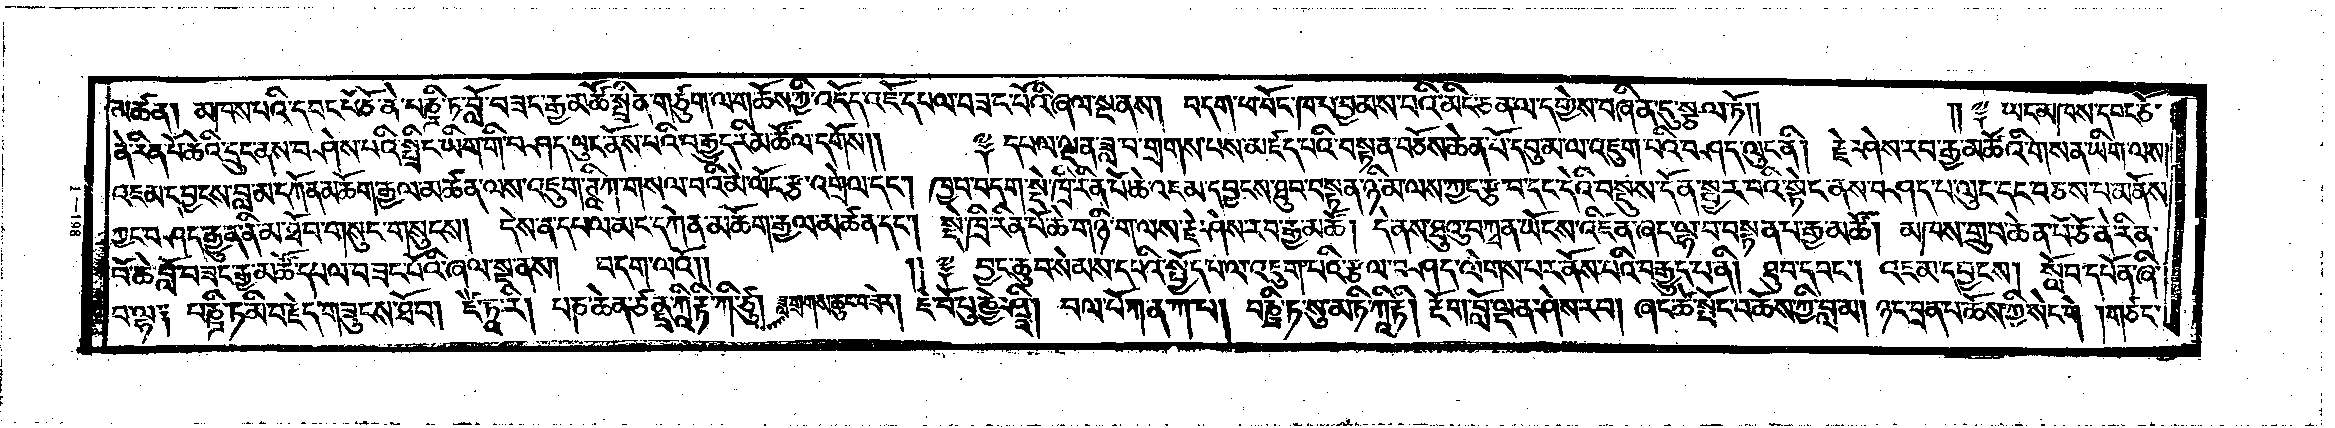མཚན། མཁས་པའི་དབང་པོ་ཅོ་ནེ་པཎྜི་ཏ་བློ་བཟང་རྒྱ་མཚོ་སྤྲིན་གཙུག་ལག་ཆོས་ཀྱི་འདོད་འཇོ་དཔལ་བཟང་པོའི་ཞལ་སྔ་ནས། བདག་ཕ་བོང་ཁ་པ་བྱམས་པའི་མིང་ཅན་ལ་དགྱེས་བཞིན་དུ་སྩལ་ཏོ།། །། ༈ ཡང་མཁས་དབང་ཅོ་
ནེ་རིན་པོ་ཆེའི་དྲུང་ནས་བཤེས་པའི་སྤྲིང་ཡིག་གི་བཤད་ལུང་ནོས་པའི་བརྒྱུད་རིམ་ཚོལ་དགོས།། ༈ དཔལ་ལྡན་ཟླ་བ་གྲགས་པས་མཛད་པའི་བསྟན་བཅོས་ཆེན་པོ་དབུ་མ་ལ་འཇུག་པའི་བཤད་ལུང་ནི། རྗེ་ཤེས་རབ་རྒྱ་མཚོའི་གསན་ཡིག་ལས།
འཇམ་དབྱངས་བླ་མ་དཀོན་མཆོག་རྒྱལ་མཚན་ལས་འཇུག་ཊཱིཀ་གསལ་བའི་མེ་ལོང་རྩ་འགྲེལ་དང་། ཁྱབ་བདག་སྡེ་ཁྲི་རིན་པོ་ཆེ་འཇམ་དབྱངས་ཐུབ་བསྟན་ཉི་མ་ལས་ཀྱང་རྩ་བ་དང་དེའི་བསྡུས་དོན་སྦྱར་བའི་སྟེང་ནས་བཤད་པ་ལུང་དང་བཅས་པ་མནོས་
ཀྱང་བཤད་རྒྱུན་ནི་མ་ཐོབ་གསུང་གསུངས། དེས་ན་དཔལ་མང་དཀོན་མཆོག་རྒྱལ་མཚན་དང་། སྡེ་ཁྲི་རིན་པོ་ཆེ་གཉི་ག་ལས་རྗེ་ཤེས་རབ་རྒྱ་མཚོ། དེ་ནས་ཐུའུ་བཀྭན་ཡོངས་འཛིན་ཞང་ལྷ་བ་བསྟན་པ་རྒྱ་མཚོ། མཁས་གྲུབ་ཆེན་པོ་ཅོ་ནེ་རིན་
པོ་ཆེ་བློ་བཟང་རྒྱ་མཚོ་དཔལ་བཟང་པོའི་ཞལ་སྔ་ནས། བདག་ལའོ།། །། ༈ བྱང་ཆུབ་སེམས་དཔའི་སྤྱོད་པ་ལ་འཇུག་པའི་རྩལ་བཤད་ལེགས་པར་ནོས་པའི་བརྒྱུད་པ་ནི། ཐུབ་དབང་། འཇམ་དབྱངས། སློབ་དཔོན་ཞི་
བ་ལྷ༑ པཎྜི་ཏ་མི་བརྗེད་གཟུངས་ཐོབ། ཛཻ་ཏཱ་རི། པཎ་ཆེན་ཙནྡྲ་ཀཱི་རྟི་ཀི་ཙུ། ཟླ་གྲགས་ཆུང་བ་ཟེར།  ཇེ་པོ་པུཎྱེ་ཤྲཱི། བལ་པོ་ཀ་ན་ཀ་པ། པཎྜི་ཏ་སུ་མ་ཏི་ཀཱི་རྟི། རྡོག་བློ་ལྡན་ཤེས་རབ། ཞང་ཚེ་སྤོང་བ་ཆོས་ཀྱི་བླ་མ། ཉང་བྲན་པ་ཆོས་ཀྱི་སེང་གེ། གཙང་